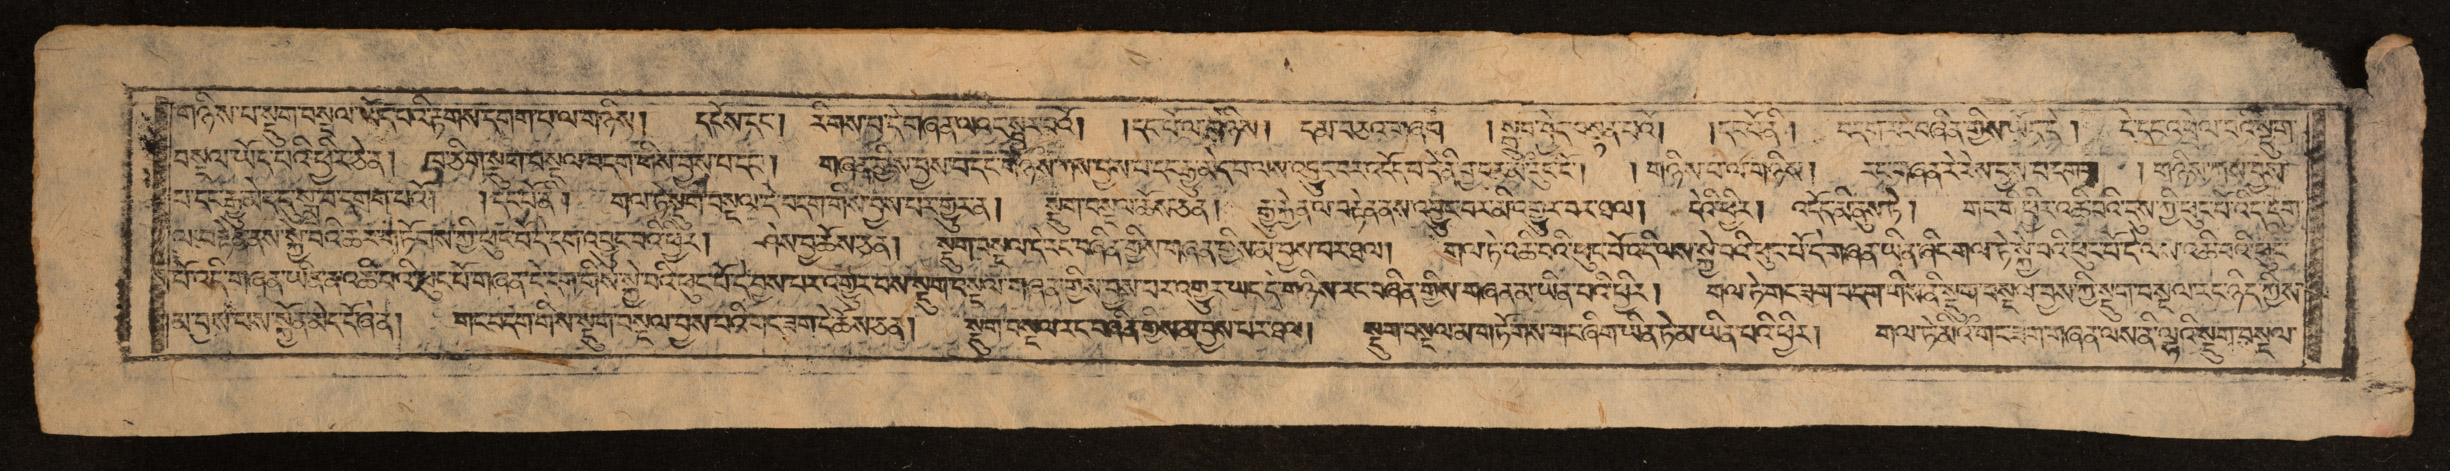གཉིས་པ་སྡུག་བསྔལ་ཡོད་པའི་རྟགས་དགག་པ་ལ་གཉིས། དངོས་དང་། རིགས་པ་དེ་གཞན་ལའང་སྦྱར་བའོ། །དང་པོ་ལ་གཉིས། དམ་བཅའ་གཞག །སྒྲུབ་བྱེད་བསྟན་པའོ། །དང་པོ་ནི། བདག་རང་བཞིན་གྱིས་ཡོད་དེ། དེ་དང་འབྲེལ་བའི་སྡུག་
བསྔལ་ཡོད་པའི་ཕྱིར་ཅེ་ན། ཁ་ཅིག་སྡུག་བསྔལ་བདག་གིས་བྱས་པ་དང་། གཞན་གྱིས་བྱས་པ་དང་གཉིས་ཀས་བྱས་པ་དང་རྒྱུ་མེད་པ་ལས་འབྱུང་བར་འདོད་པ་དེ་ནི་བྱ་བར་མི་རུང་ངོ། །གཉིས་པ་ལ་གཉིས། རང་གཞན་རེ་རེས་བྱས་པ་དགག །གཉིས་ཀས་བྱས་
བ་དང་རྒྱུ་མེད་དུ་སྨྲ་བ་དགག་པའོ། །དང་པོ་ནི། གལ་ཏེ་སྡུག་བསྔལ་དེ་བདག་གིས་བྱས་པར་གྱུར་ན། སྡུག་བསྔལ་ཆོས་ཅན། རྒྱུ་རྐྱེན་ལ་བརྟེན་ནས་འབྱུང་བར་མི་འགྱུར་བར་ཐལ། དེའི་ཕྱིར། འདོད་མི་ནུས་ཏེ། གང་གི་ཕྱིར་འཆི་བའི་དུས་ཀྱི་ཕུང་པོ་འདི་དག་
ལ་བརྟེན་ནས་སྐྱེ་བའི་ཆར་གཏོགས་ཀྱི་ཕུང་པོ་དེ་དག་འབྱུང་བའི་ཕྱིར། ཤེས་བྱ་ཆོས་ཅན། སྡུག་བསྔལ་དེ་རང་བཞིན་གྱིས་གཞན་གྱིས་མ་བྱས་པར་ཐལ། གལ་ཏེ་འཆི་བའི་ཕུང་པོ་འདི་ལས་སྐྱེ་བའི་ཕུང་པོ་དེ་གཞན་ཡིན་ཞིང་གལ་ཏེ་སྐྱེ་བའི་ཕུང་པོ་དེ་ལས་འཆི་བའི་ཕུང་
པོ་འདི་གཞན་ཡིན་ན་འཆི་བའི་ཕུང་པོ་གཞན་དེ་དག་གིས་སྐྱེ་བའི་ཕུང་པོ་དེ་བྱས་པར་འགྱུར་བས་སྡུག་བསྔལ་གཞན་གྱིས་བྱས་པར་འགྱུར་ཡང་དེ་གཉིས་རང་བཞིན་གྱིས་གཞན་མ་ཡིན་པའི་ཕྱིར། གལ་ཏེ་གང་ཟག་བདག་གིས་ནི་སྡུག་བསྔལ་བྱས་ཀྱི་སྡུག་བསྔལ་རང་ཉིད་ཀྱིས་
མ་བྱས་པར་སྐྱོན་མེད་དོ་ཞེ་ན། གང་བདག་གིས་སྡུག་བསྔལ་བྱས་པའི་གང་ཟག་དེ་ཆོས་ཅན། སྡུག་བསྔལ་རང་བཞིན་གྱིས་མ་བྱས་པར་ཐལ། སྡུག་བསྔལ་མ་གཏོགས་གང་ཞིག་ཡིན་ཏེ་མ་ཡིན་པའི་ཕྱིར། གལ་ཏེ་མིའི་གང་ཟག་གཞན་ལས་ནི་ལྷའི་སྡུག་བསྔལ་